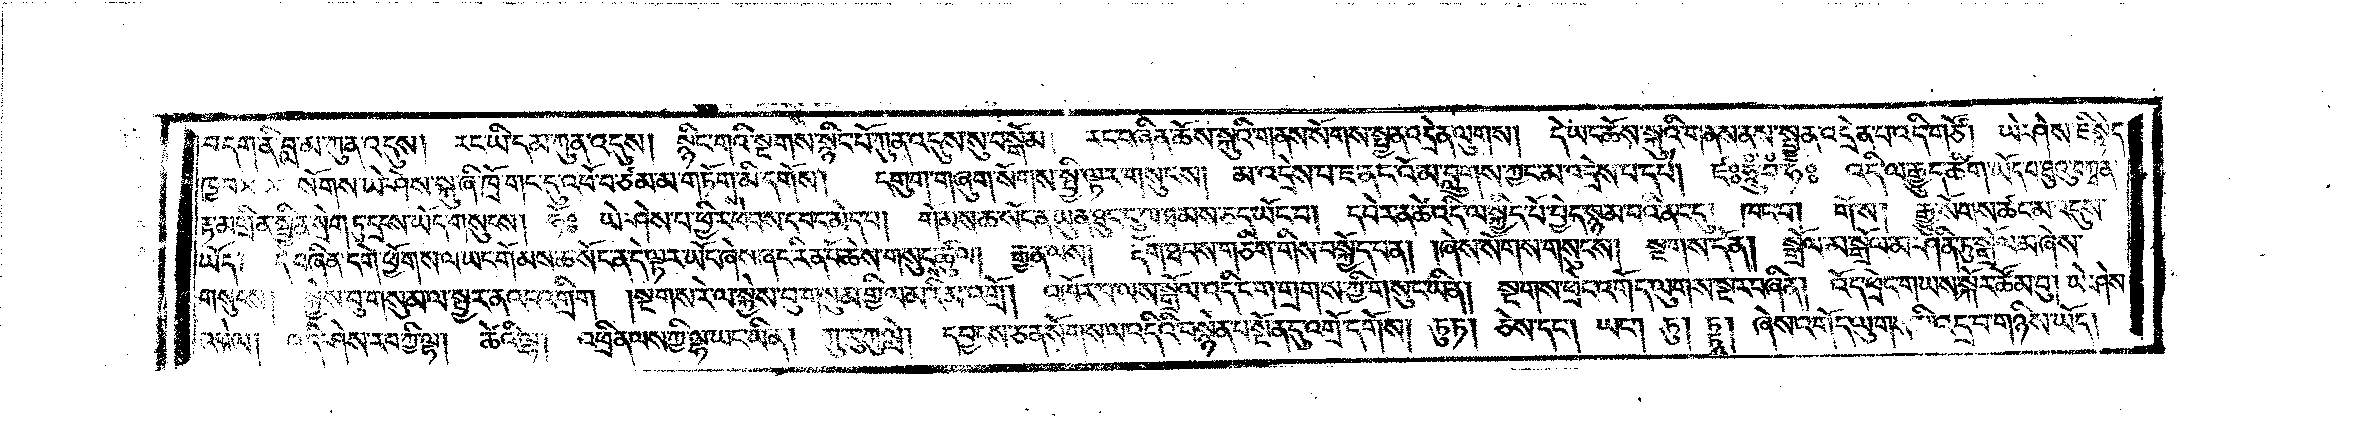བདག་ནི་བླ་མ་ཀུན་འདུས། རང་ཡི་དམ་ཀུན་འདུས། སྙིང་གའི་སྔགས་སྙིང་པོ་ཀུན་འདུས་སུ་བསྒོམ། རང་བཞིན་ཆོས་སྐུའི་གནས་སོགས་སྤྱན་འདྲེན་ལུགས། དེ་ཡང་ཆོས་སྐུའི་གནས་ནས་སྤྱན་འདྲེན་པ་འདི་གཙོ། ཡེ་ཤེས་ཇི་སྙེད་
ཁྱབ་྾྾་སོགས་ཡེ་ཤེས་སྐུ་ཞི་ཁྲོ་གང་དུ་འཕོ་བ་ཙམ་མ་གཏོགས་མི་དགོས། དགུག་གཞུག་སོགས་སྤྱི་ལྟར་གསུངས། མ་འདྲེས་པ་ཇ་ནང་འོ་མ་བླུགས་ཀྱང་མ་འདྲེས་པ་དཔེ། ཛཿཧཱུཾ་བཾ་ཧོཿ འདི་ལ་རྒྱུད་ཚིག་ཡོད་པ་ཐུའུ་བཀྭན་
རྟ་མགྲིན་སྦྱིན་སྲེག་ཏུ་དྲངས་ཡོད་གསུངས། ཧོཿ ཡེ་ཤེས་པ་ཕྱིར་ཕེབས་དབང་མེད་པ། གོམས་ཆ་སོང་ན་ཡུན་ཐུང་ངུ་ལ་ཐམས་ཅད་ཡོང་བ། དཔེར་ན་ཚེ་འདི་ལ་སྐྱིད་པོ་བྱེད་སྙམ་པའི་ནང་དུ། །བའང་། གོས། རྒྱུ་སོགས་ཚང་མ་འདུས་
ཡོད༑ དེ་བཞིན་དགེ་ཕྱོགས་ལ་ཡང་གོམས་ཆ་སོང་ན་དེ་ལྟར་ཡོད་ཞེས་ཞང་རིན་པོ་ཆེས་གསུངས་ཚུལ། རྒྱན་ལས། རྡོག་ཐབས་གཅིག་གིས་བསྐྱོད་པ་ན། །ཞེས་སོགས་གསུངས། སྔགས་དོན། སྒྲོལ་མ་སྒྲོལ་མ་ཤིན་ཏུ་སྒྲོལ་མ་ཞེས་
གསུངས། སྐྱེས་བུ་གསུམ་ལ་སྦྱར་ནའང་འགྲིག །སྔགས་རེ་ལ་སྐྱེས་བུ་གསུམ་གྱི་ལམ་རིམ་འགྲོ། འཁོར་བ་ལས་སྒྲོལ་འདི་ངག་གྲགས་ཀྱི་གསུང་ཡིན། སྔགས་ཕྲེང་འགོད་ལུགས་སྔར་བཞིན། འོད་ཕྲེང་གཡས་སྐོར་ཚོམ་བུ། ཡེ་ཤེས་
འཕེལ། འདི་ཤེས་རབ་ཀྱི་ལྷ། ཚེའི་ལྷ། འཕྲིན་ལས་ཀྱི་ལྷ་ཡང་ཡིན། ཀུ་རུ་ཀུལླེ། དབྱངས་ཅན་སོགས་ལ་འདིའི་བསྙེན་པ་སྔོན་དུ་འགྲོ་དགོས། ཏུ་ཏ། ཅེས་དང་། ཡང་། ཏུ། ཏྟཱ། ཞེས་འགོད་ལུགས་མི་འདྲ་བ་གཉིས་ཡོད།